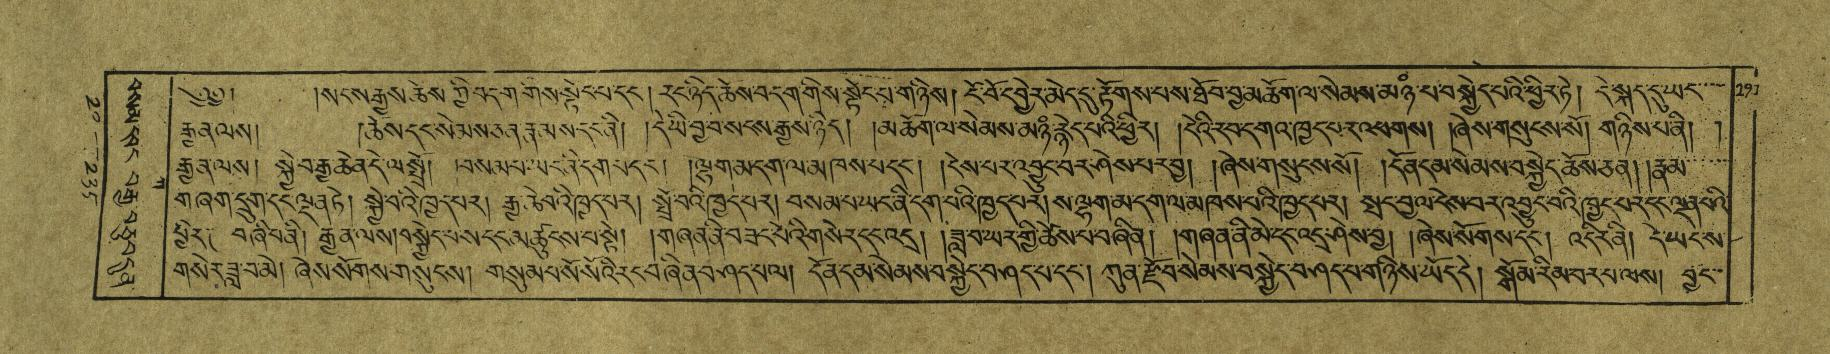༄༅། །སངས་རྒྱས་ཆོས་ཀྱི་བདག་གིས་སྟོང་པ་དང་། རང་ཉིད་ཆོས་བདག་གིས་སྟོང་པ་གཉིས། ངོ་བོ་དབྱེར་མེད་དུ་རྟོགས་པས་ཐོབ་བྱ་མཆོག་ལ་སེམས་མཉཾ་པ་བསྐྱེད་པའི་ཕྱིར་ཏེ། དེ་སྐད་དུ་ཡང་
རྒྱན་ལས། །ཆོས་དང་སེམས་ཅན་རྣམས་དང་ནི། །དེ་ཡི་བྱ་བ་སངས་རྒྱས་ཉིད། །མཆོག་ལ་སེམས་མཉཾ་རྙེད་པའི་ཕྱིར། །དེའི་རབ་དགའ་ཁྱད་པར་འཕགས། །ཞེས་གསུངས་སོ། གཉིས་པ་ནི། །
རྒྱན་ལས། སྐྱེ་བ་རྒྱ་ཆེན་དེ་ལ་སྤྲོ། །བསམ་པ་ཡང་ནི་དག་པ་དང་། །ལྷག་མ་དག་ལ་མཁས་པ་དང་། །ངེས་པར་འབྱུང་བར་ཤེས་པར་བྱ། །ཞེས་གསུངས་སོ། །དོན་དམ་སེམས་བསྐྱེད་ཆོས་ཅན། །རྣམ་
གཞག་དྲུག་དང་ལྡན་ཏེ། སྐྱེ་བའི་ཁྱད་པར། རྒྱ་ཆེ་བའི་ཁྱད་པར། སྤྲོ་བའི་ཁྱད་པར། བསམ་པ་ཡང་ནི་དག་པའི་ཁྱད་པར། ས་ལྷག་མ་དག་ལ་མཁས་པའི་ཁྱད་པར། སྤང་བྱ་ལ་ངེས་བར་འབྱུང་བའི་ཁྱད་པར་དང་ལྡན་པའི་
ཕྱིར༑ བཞི་པ་ནི། རྒྱན་ལས། བསྐྱེད་པ་ས་དང་མཚུངས་པ་སྟེ། །གཞན་ནི་བཟང་པོའི་གསེར་དང་འདྲ། །ཟླ་བ་ཡར་གྱི་ཚེས་པ་བཞིན། །གཞན་ནི་མེ་དང་འདྲ་ཤེས་བྱ། །ཞེས་སོགས་དང་། འདིར་ནི། དེ་ཡང་ས་
གསེར་ཟླ་བ་མེ། ཞེས་སོགས་གསུངས། གསུམ་པ་སོ་སོའི་རང་བཞིན་བཤད་པ་ལ། དོན་དམ་སེམས་བསྐྱེད་བཤད་པ་དང་། ཀུན་རྫོབ་སེམས་བསྐྱེད་བཤད་པ་གཉིས་ཡོད་དེ། སྒོམ་རིམ་བར་པ་ལས། བྱང་